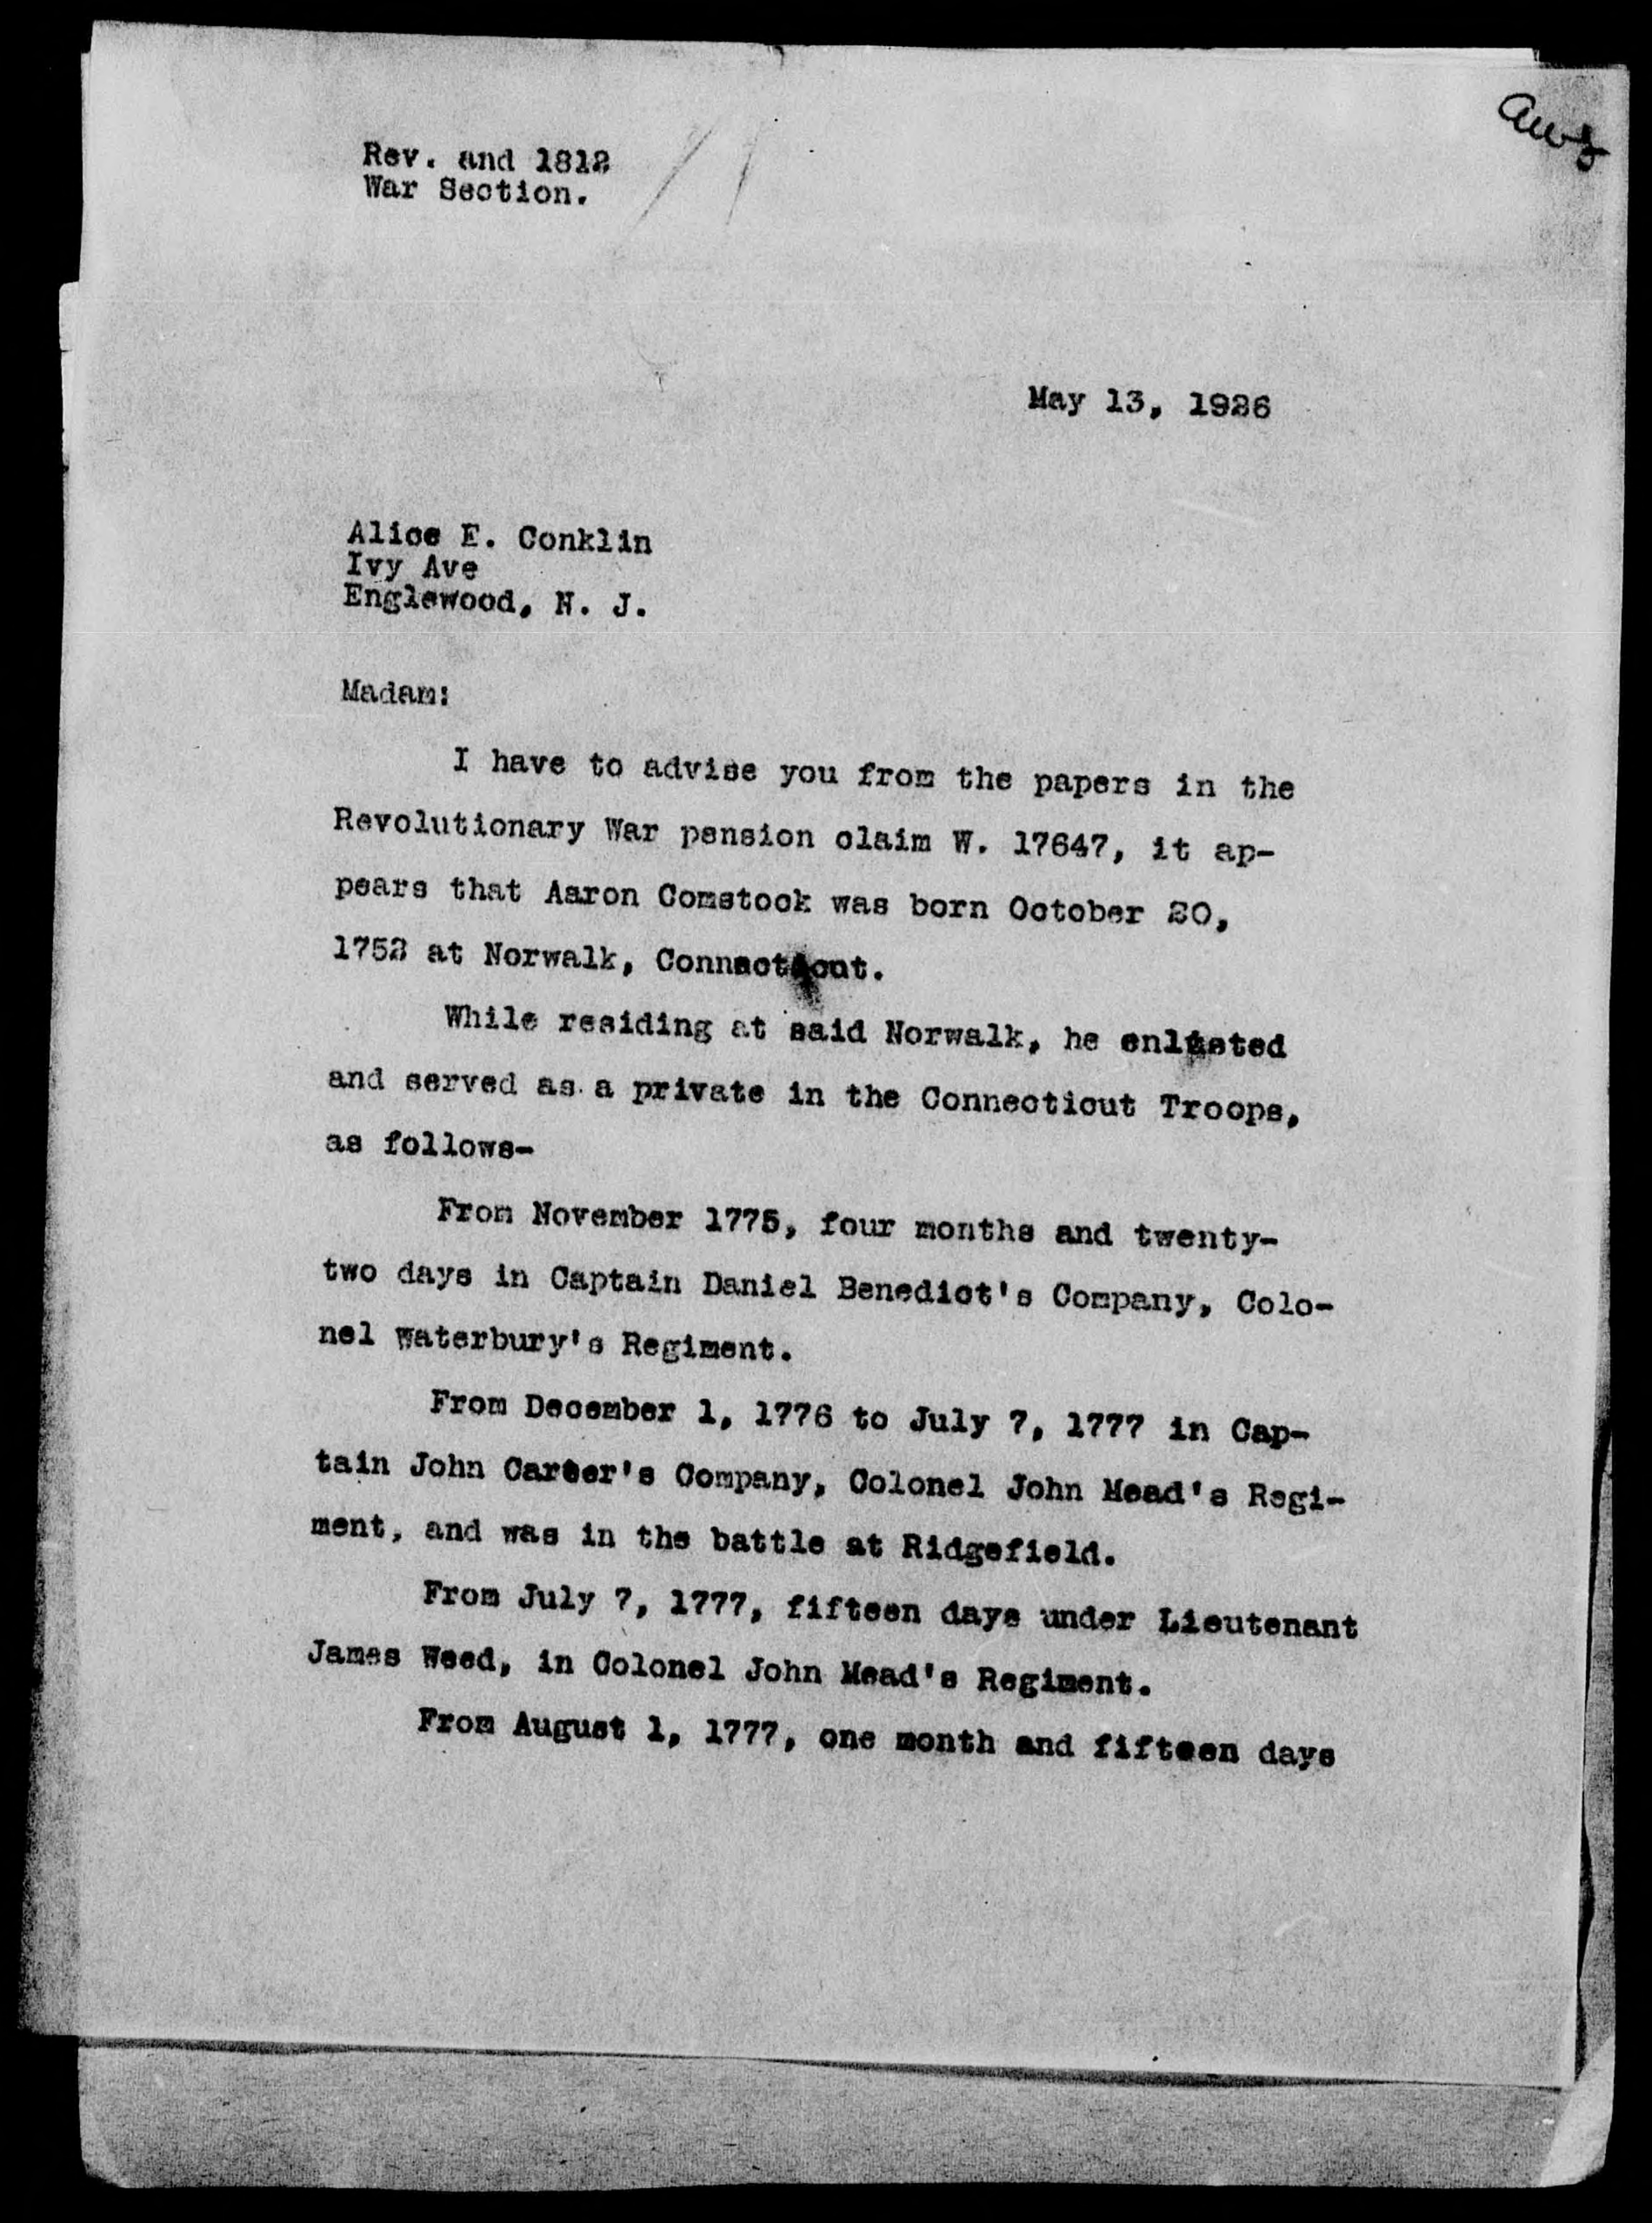AWF

Rev. and 1812
War Section.

May 13, 1926

Alice E. Conklin
Ivy Ave
Englewood, N. J.

Madam:
I have to advise you from the papers in the Revolutionary War pension claim W. 17647, it appears that Aaron Comstock was born October 20, 1752 at Norwalk, Connecticut.
While residing at said Norwalk, he enlisted
and served as a private in the Connecticut Troops, as follows-
From November 1775, four months and twenty-two days in Captain Daniel Benedict's Company, Colonel Waterbury's Regiment.
From December 1, 1776 to July 7, 1777 in Captain John Carter's Company, Colonel John Mead's Regiment, and was in the battle at Ridgefield.
From July 7, 1777, fifteen days under Lieutenant James Weed, in Colonel John Mead's Regiment.
From August 1, 1777, one month and fifteen days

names: Aaron Comstock, James Weed, Alice E Conklin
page: 12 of 43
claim: widow's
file: W. 17,647, Aaron Comstock, Conn.